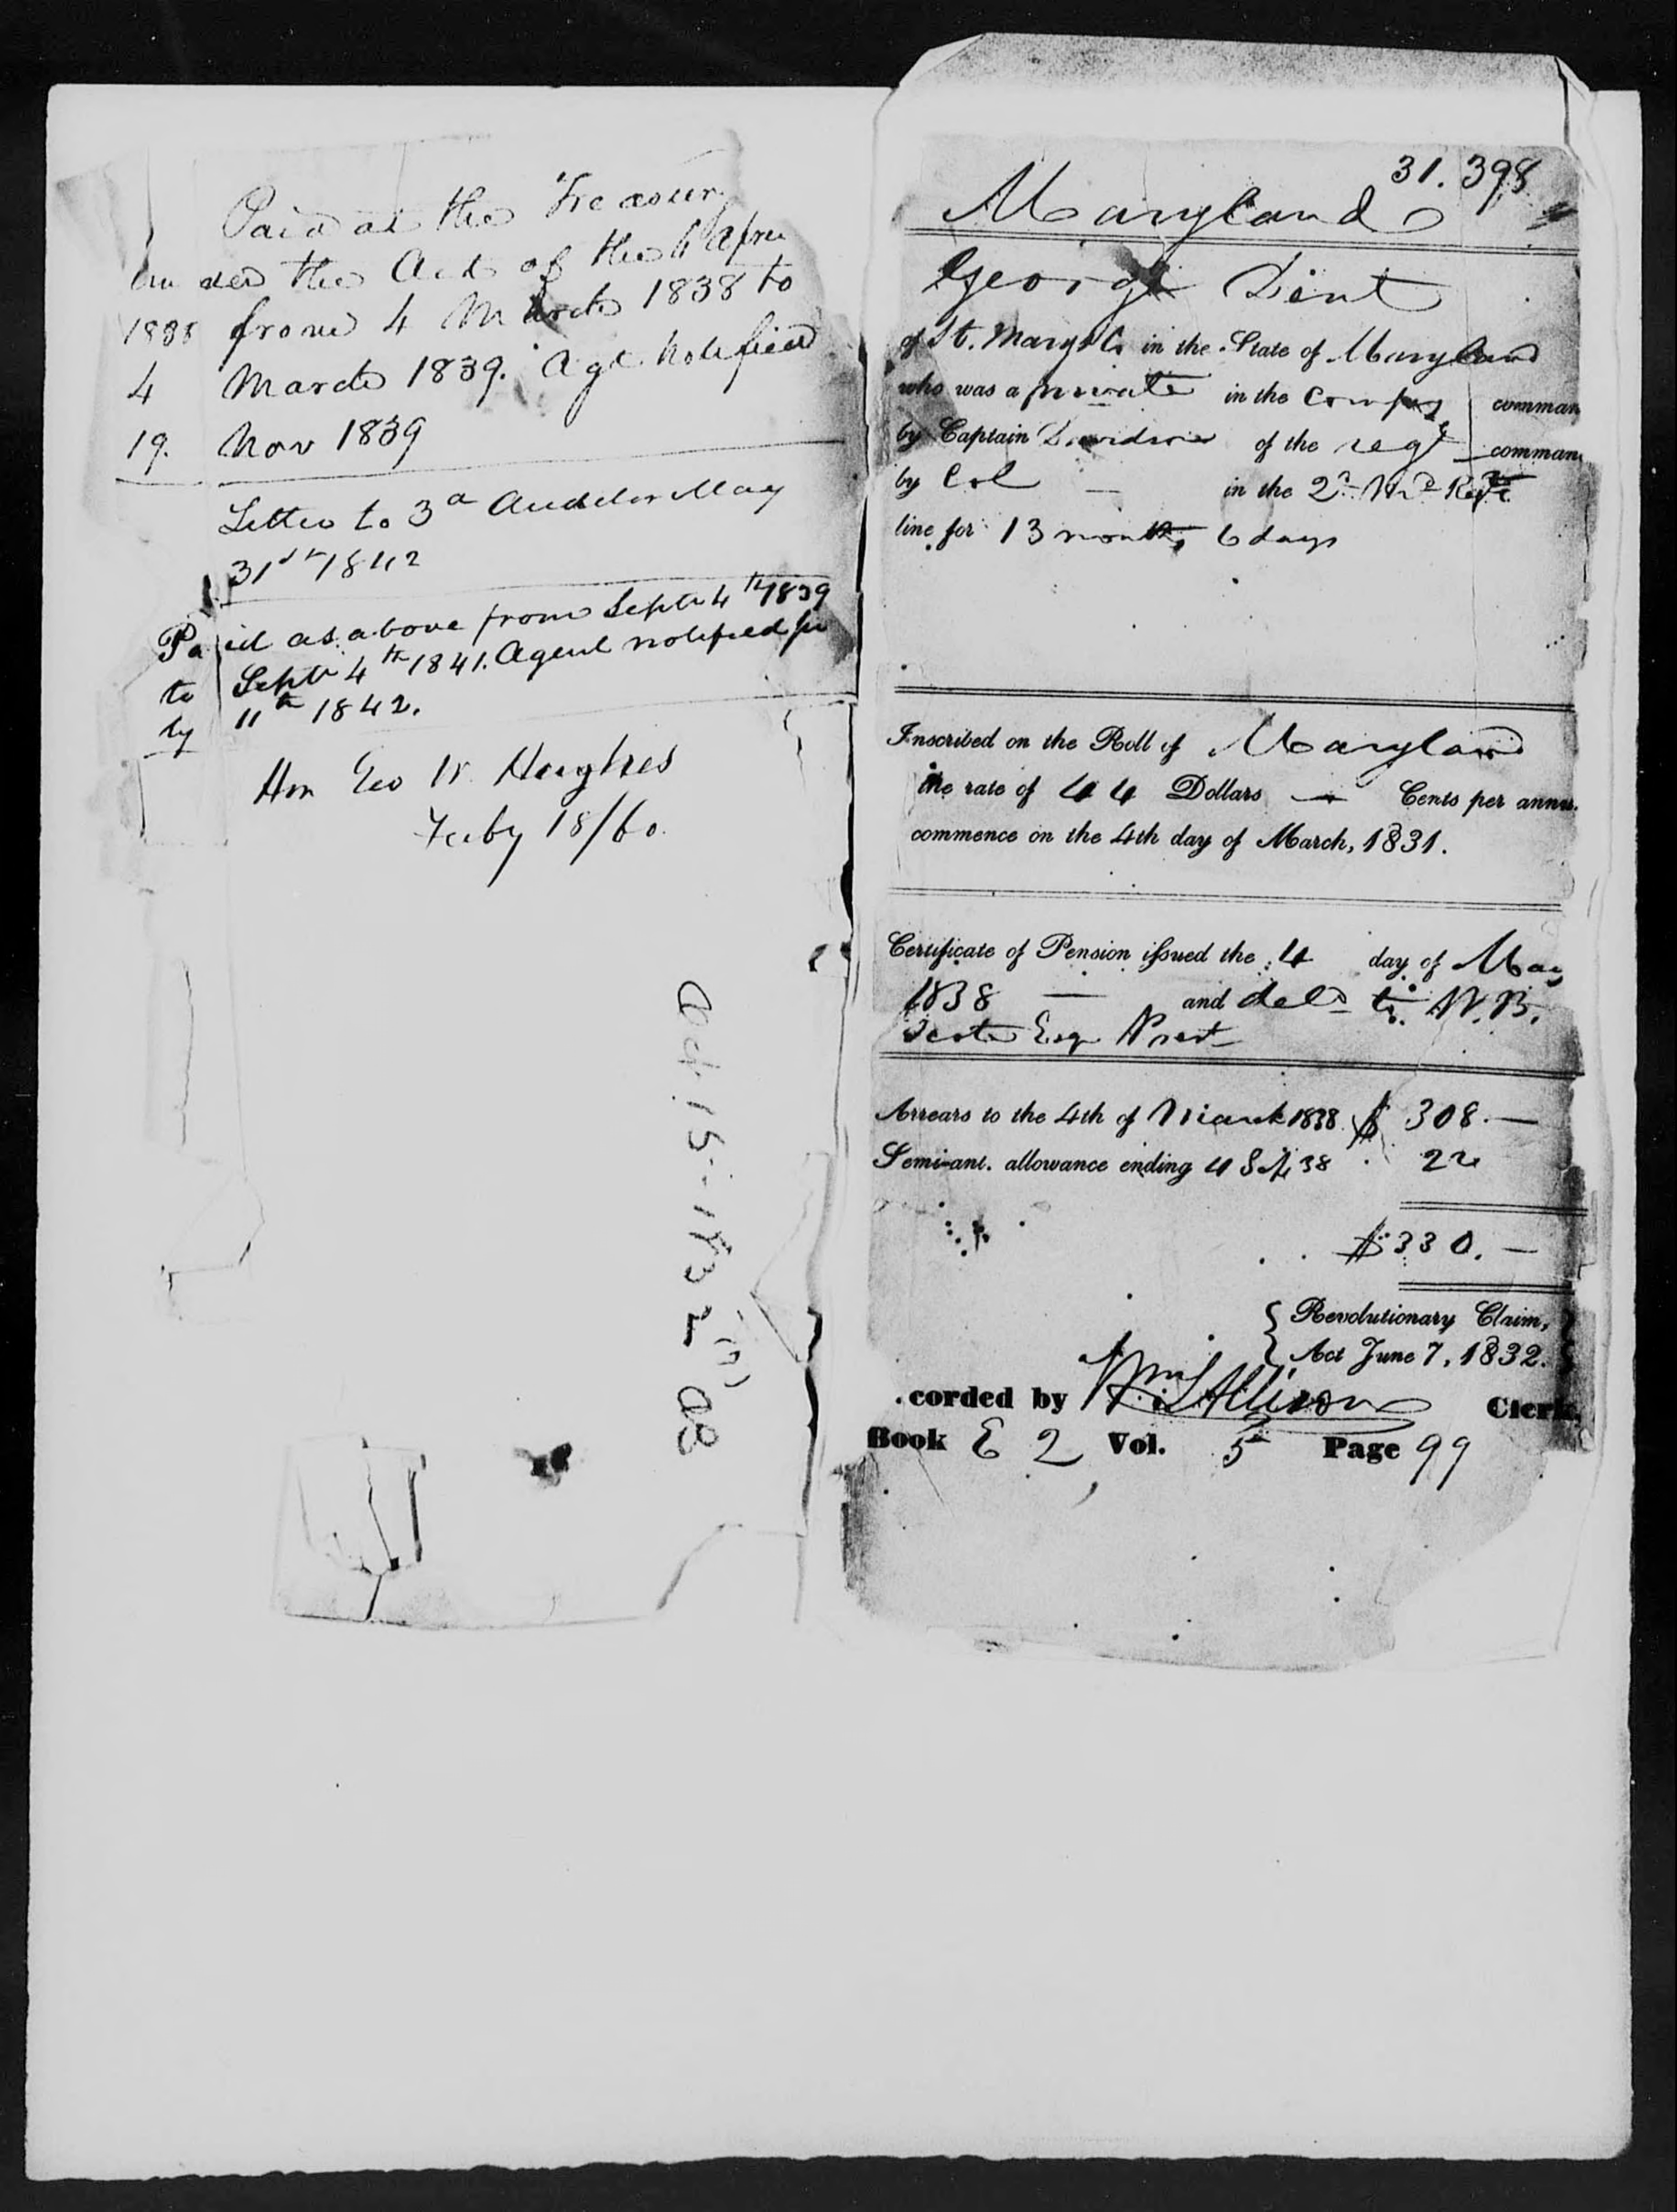[left page]
Paid at the Treasury
under the Act of the 4 April1838 from 4 March 1838 to 4 March 1839. Agt. notified 19 Nov 1839
-----
Letter to 3d Auditor May 31st 1842
-----
Paid as above from Sept^r 4th 1839 to Sept^r 4th 1841. Agent notified July 11th 1842.
-----
Hon Geo W. Hughes 
Feby 18/60
[sideways] Oct 15 1832 (7) AB

[right page]
31.398
Maryland
George Dent
of St. Marys Co. in the State of Maryland who was a private in the company comman[ded] by Captain Davidson of the regt comman[ded] by Col. -- in the 2d Md Regt. line for 13 months, 6 days
-----
Inscribed on the Roll of Maryland the rate of 44 Dollars -- Cents per annu[m] commence on the 4th day of March 1831.
-----
Certificate of Pension issued the 4 day of May 1838 -- and del^d to W.B. Scott Esq Pres^t
-----
Arrears to the 4th of March 1838 $308.-
Semi-anl. allowance ending 4 Sep 38    22
_____
$330.-
_____
{Revolutionary Claim
{Act June 7, 1832.
[Re]corded by Wm L Allison Clerk
Book E2, Vol. 5 Page 99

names: Geo W Hughes, W B Scott, Wm L Allison, Davidson, George Dent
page: 2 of 49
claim: survivor's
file: S. 12755, George Dent, Md.